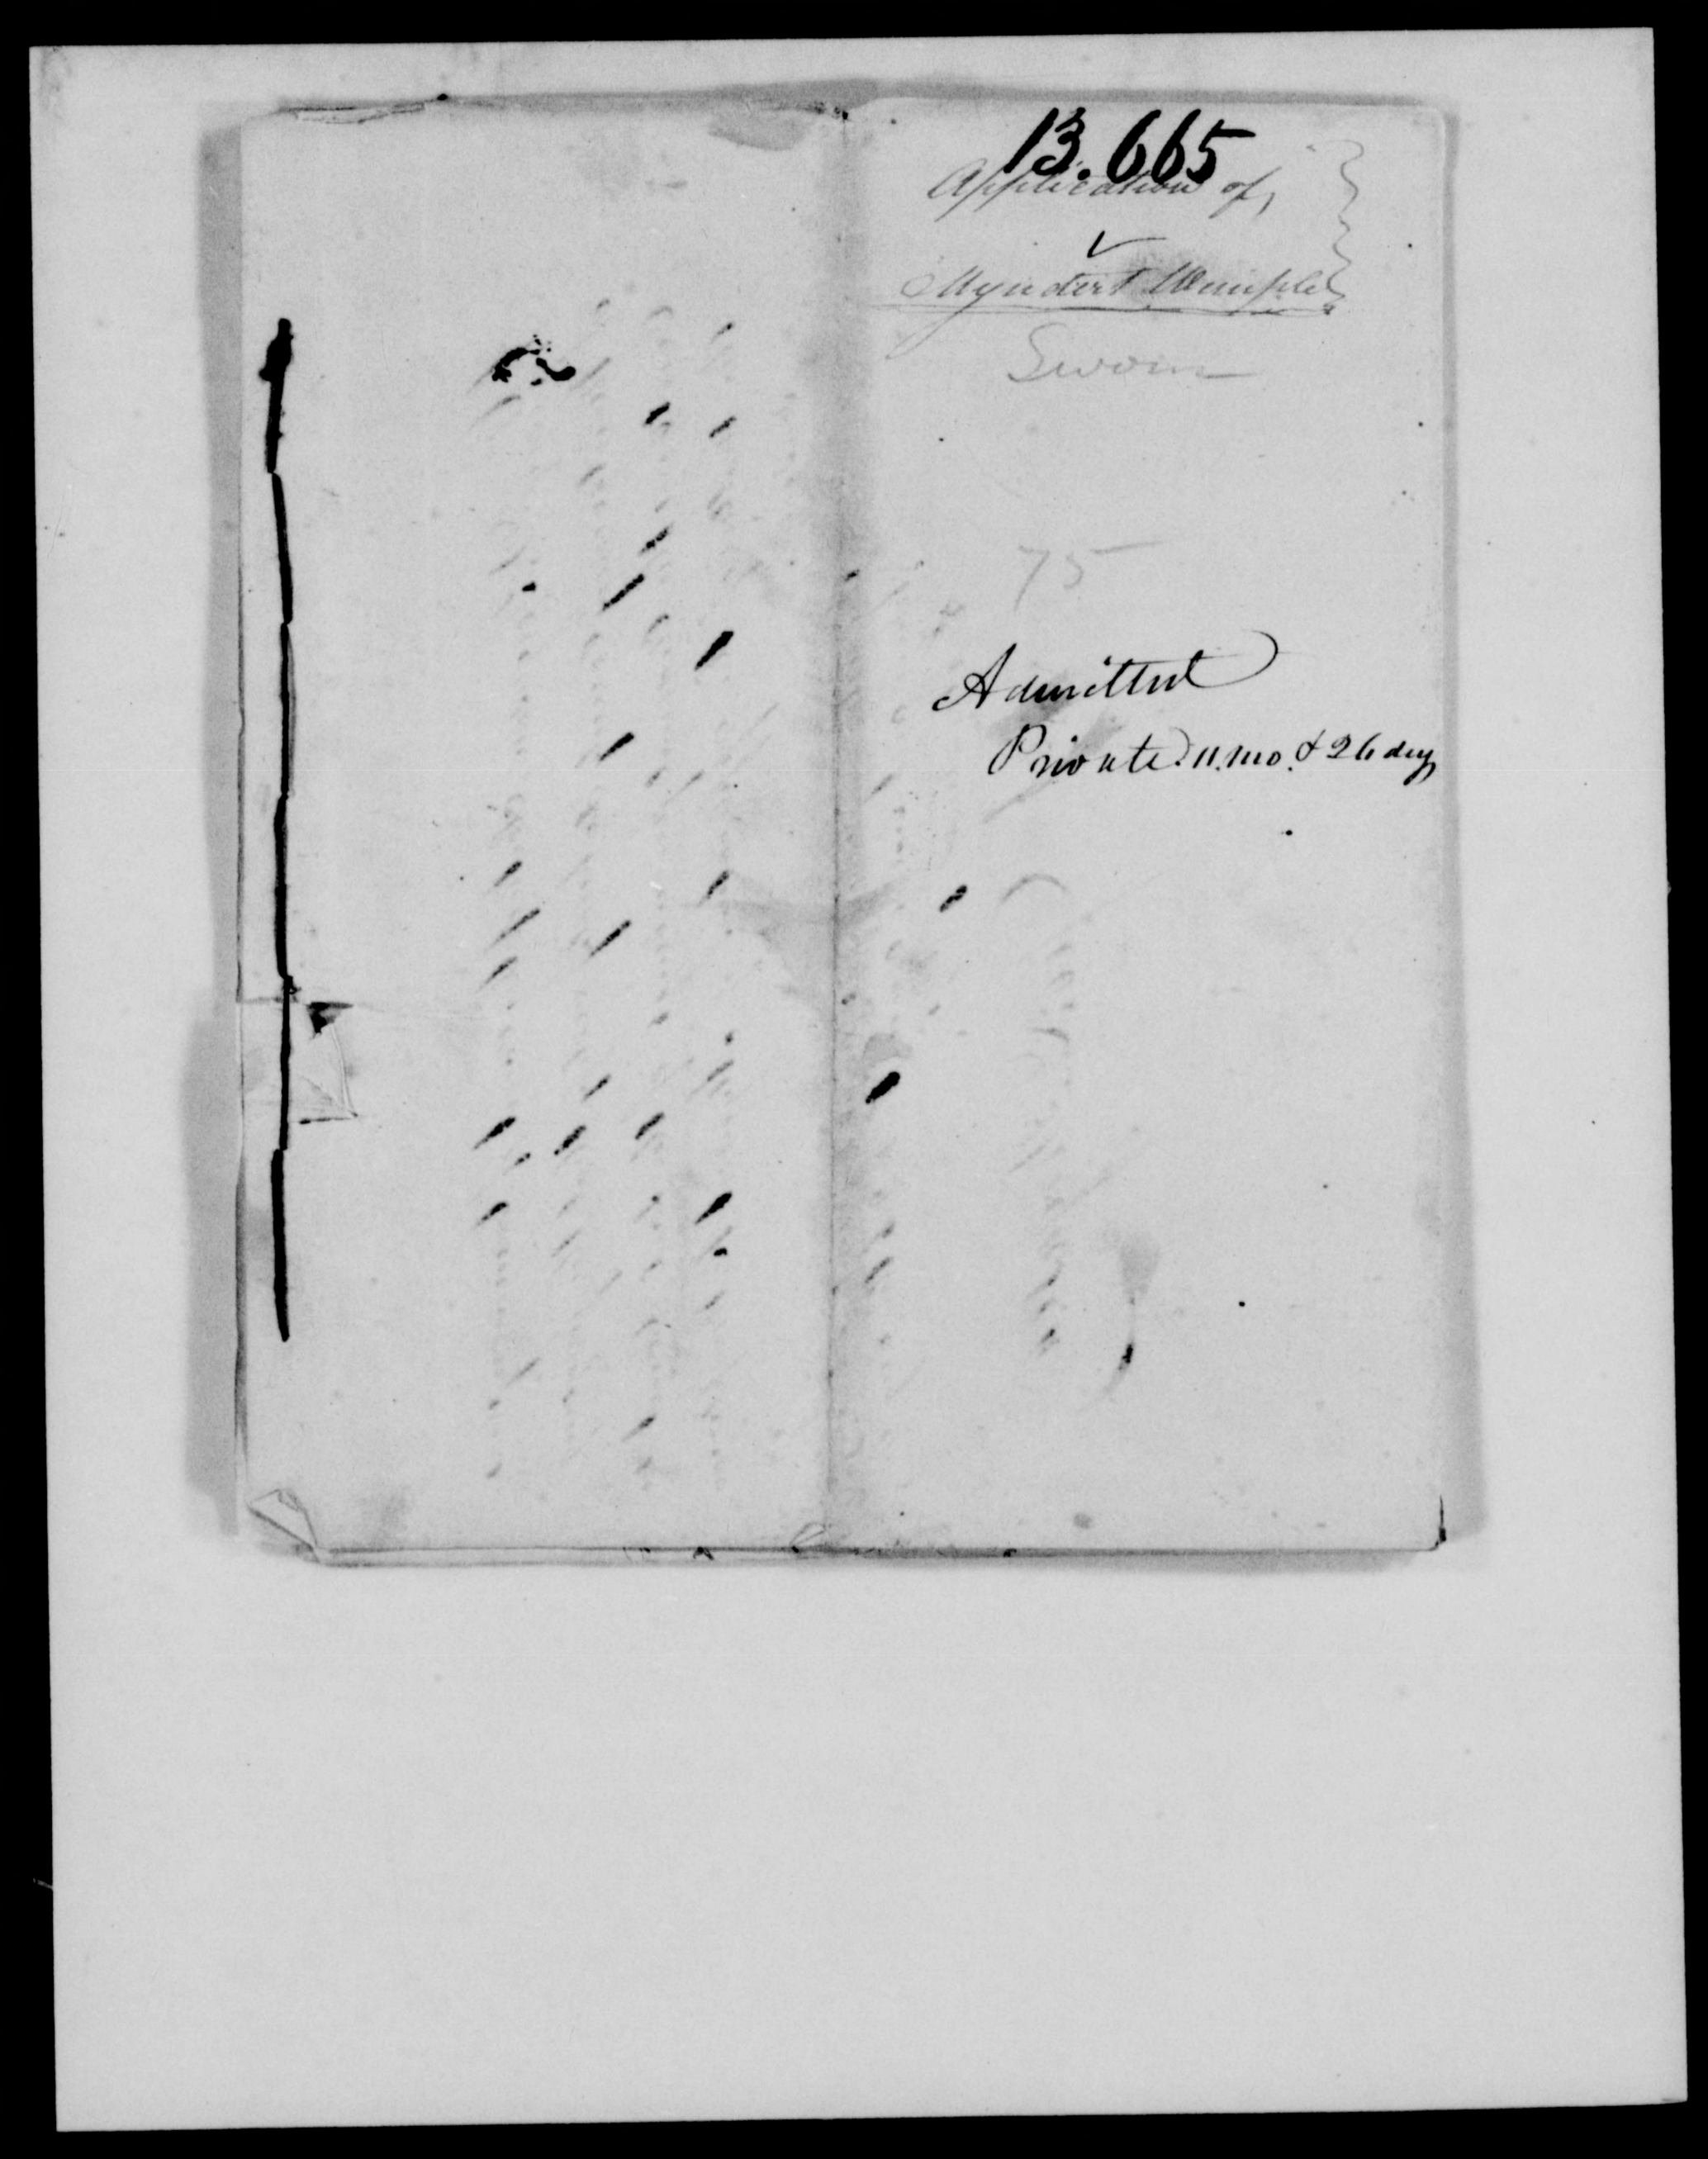13.665
Application of}
(check mark)  }
Myndert Wemple}
Sworn


75
Admitted
Private 11 Mo. & 26 day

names: Myndert Wemple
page: 6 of 51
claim: widow's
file: W. 19604, Myndert B Wemple, New York